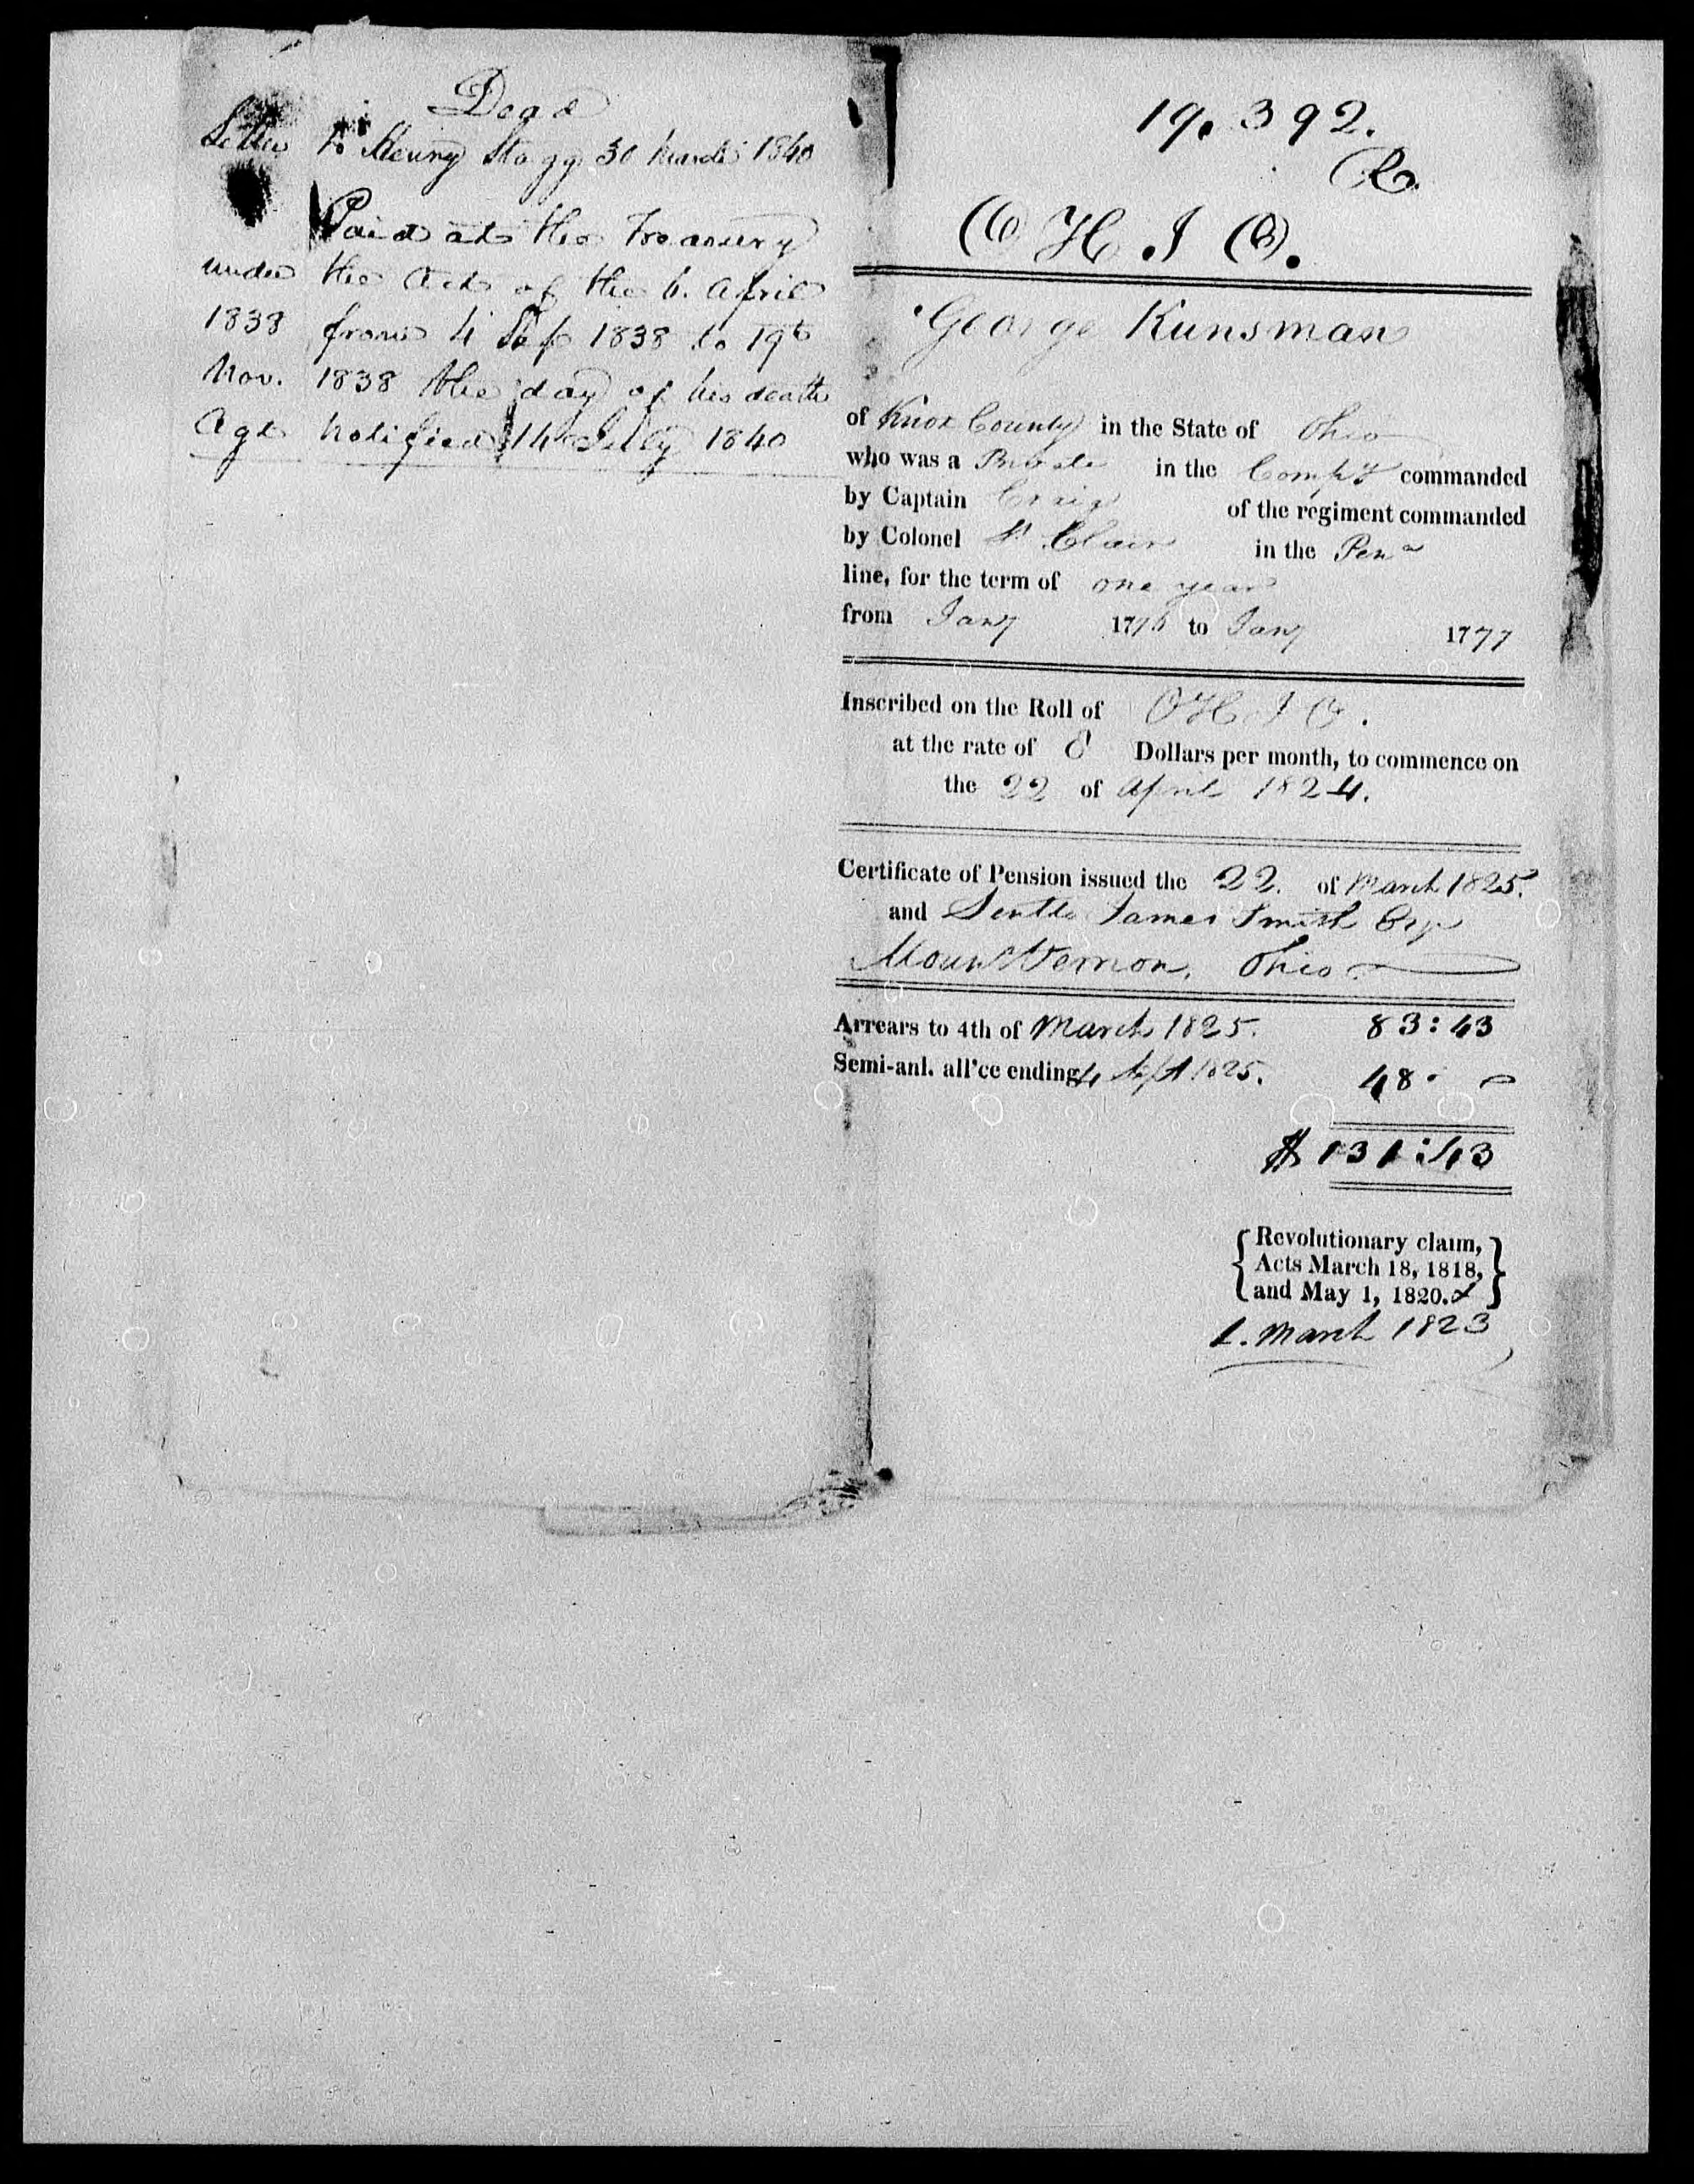(left column)
Dead
Letter to Henry Stagg 30 March 1840 Paid at the Treasury under the Act of the 6 April 1838 from 4 Sep 1838 to 19th Nov. 1838 the day of his death. Agt notified 14 July 1840.

(right column)
19,392 R
Ohio
George Kunsman
of Knox County in the State of Ohio who was a Private in the Compy commanded by Captain Craig of the regiment commanded by Colonel St. Clair in the Pena. line, for the term of one year from Jany 1776 to Jany 1777

Inscribed on the Roll of Ohio at the rate of 8 Dollars per month, to commence on the 22 of April 1824.

Certificate of Pension issued the 22 of March 1825 and sent to James Smith Esqr Mount Vernon, Ohio

Arrears to 4th of March 1825  8343
Semi=anl. all'ce ending 4 Sept 1825  48
$131:43

Revolutionary claim, Acts March 18, 1818, and May 1, 1820. & 1 March 1823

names: [BLANK] St Clair; James Smith; [BLANK] Craig; George Kunsman; Henry Stagg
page: 2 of 23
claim: survivor's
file: S. 41736, for George Kunsman, Pennsylvania